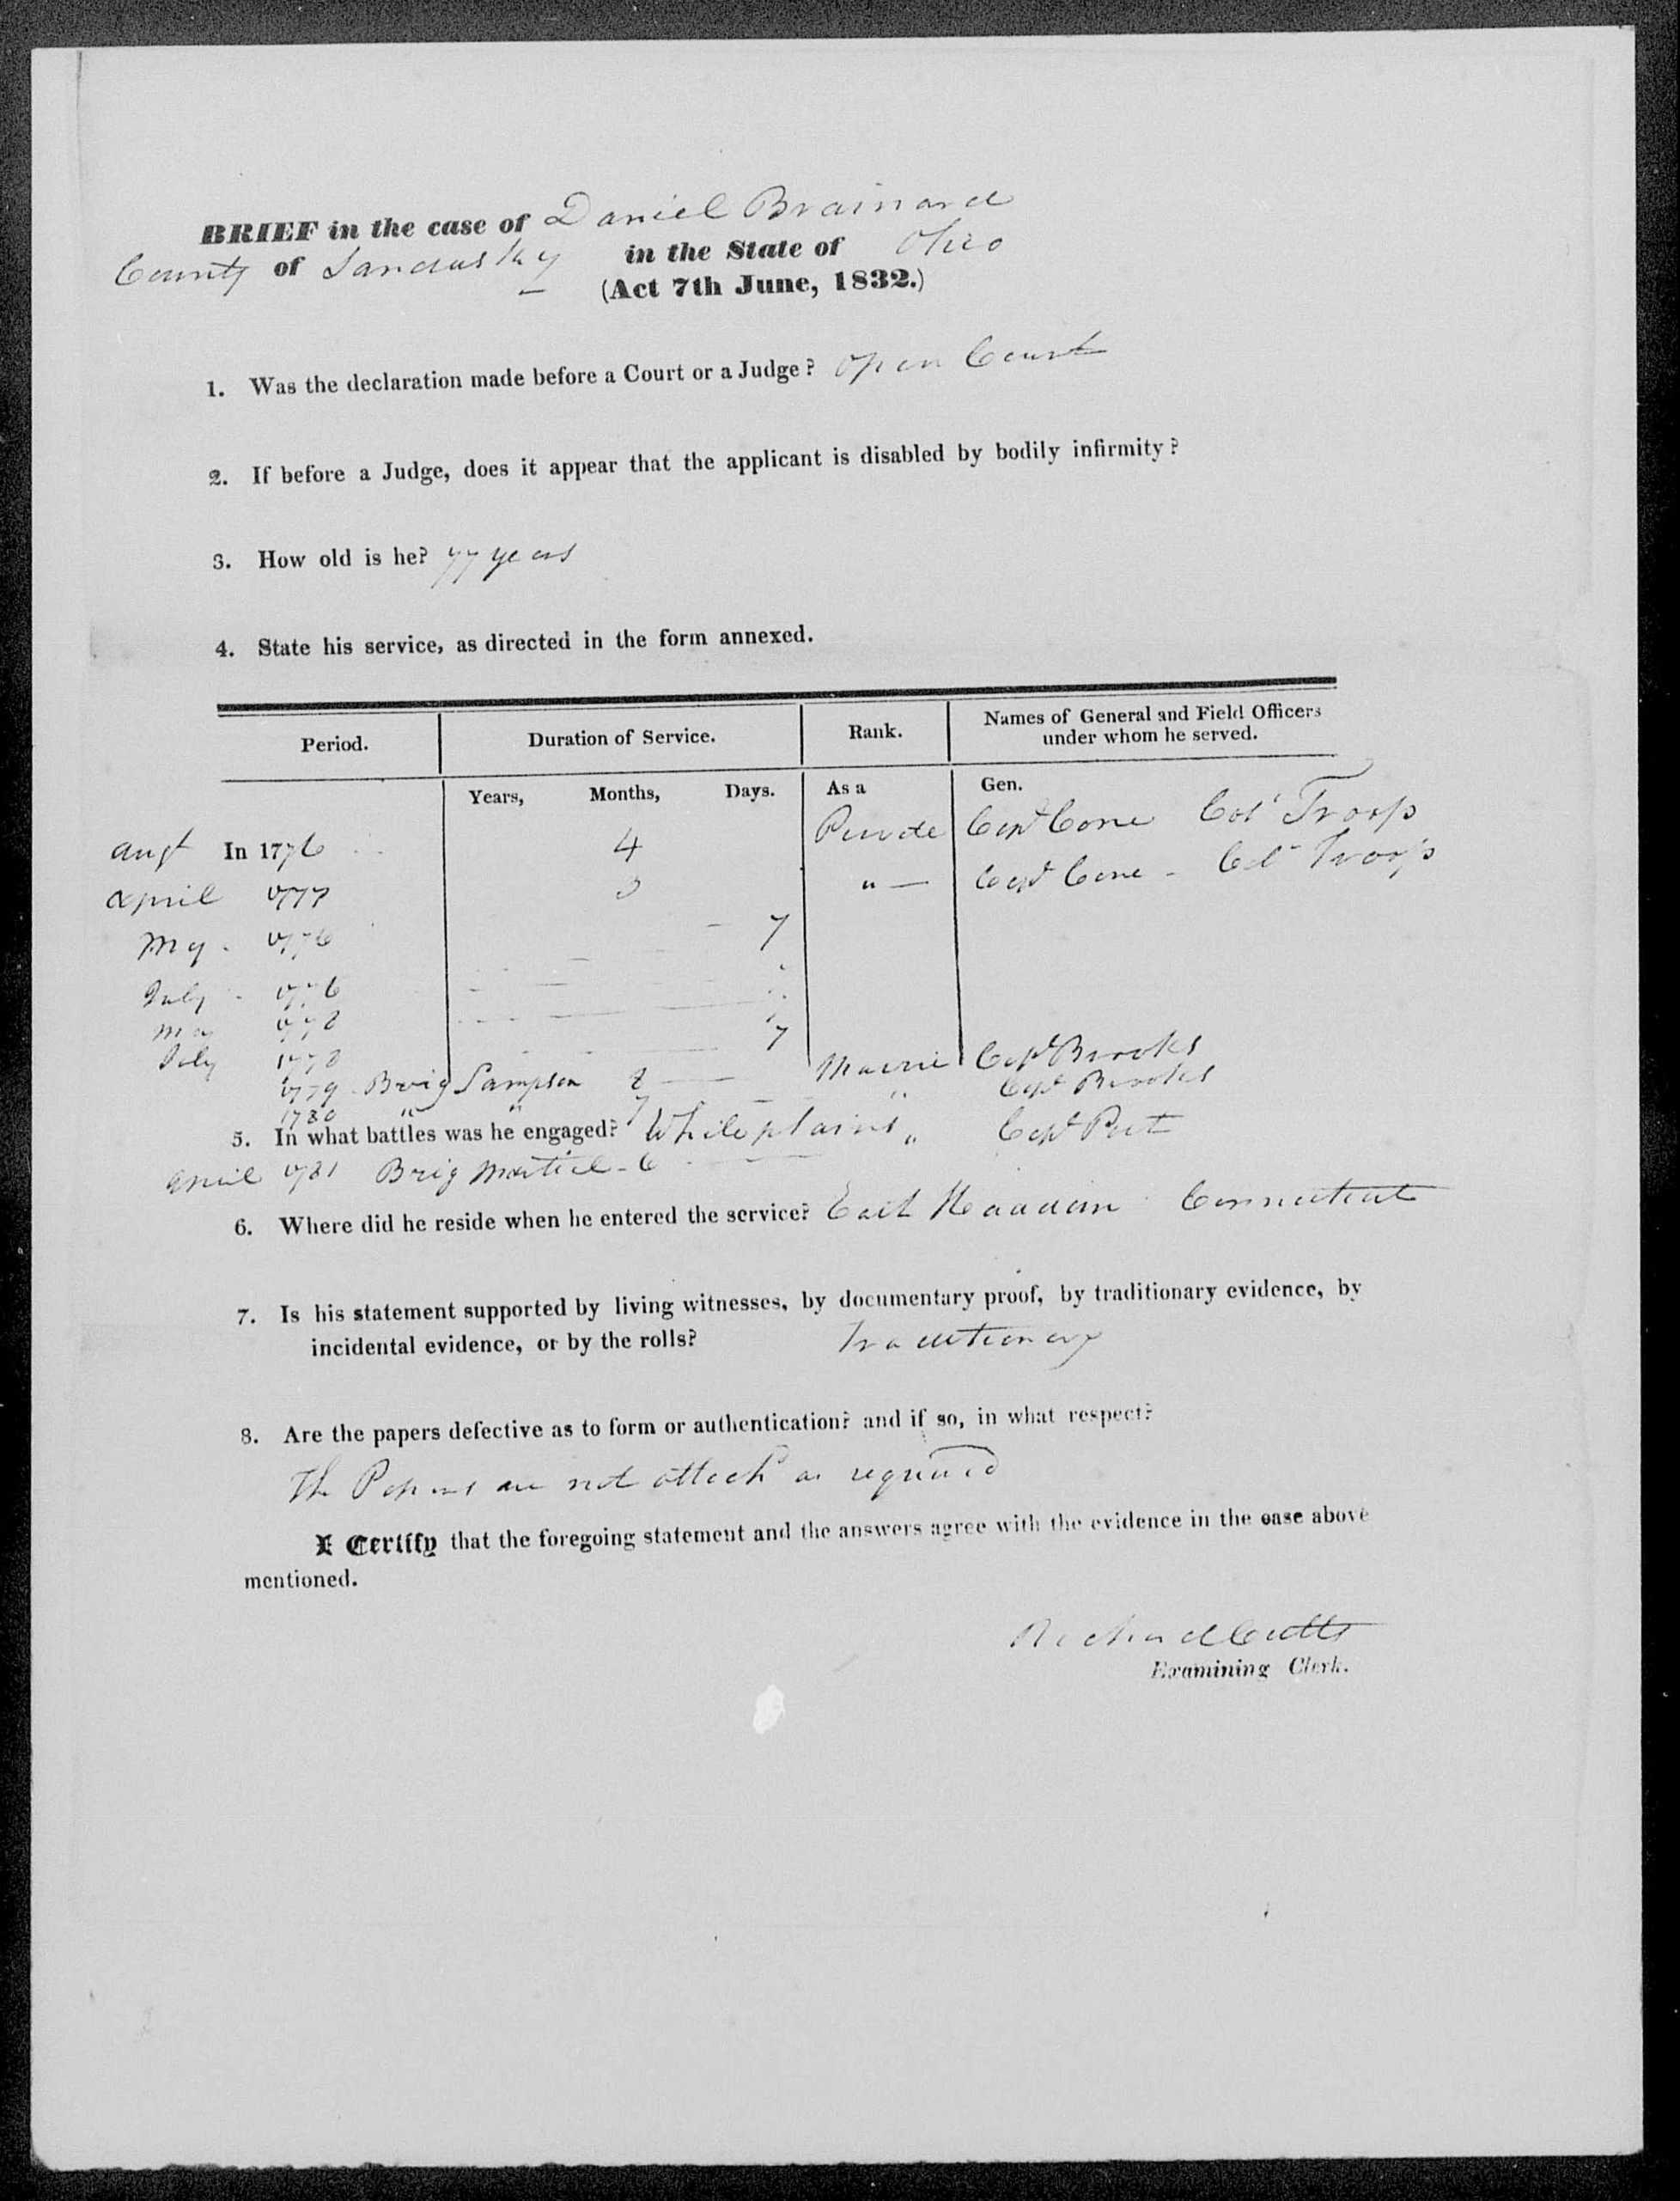Brief in the case of Daniel Brainard
County of Sandusky in the State of Ohio
(Act 7th June, 1832)
1. Was the declaration made before a Court or a Judge?  Open Court
2. If before a Judge, does it appear that the applicant is disabled by bodily infirmity?
3. How old is he?  77 years
4. State his service, as directed in the form annexed.
Period.  Duration of Service.  Rank.  Names of General and Field Officers under whom he served.

Aug. In 1776  Months 4 As a Private Gen. Capt. Cone Col. Troop
April 1777 Months 3 As a Private Capt. Cone Col. Troop
May 1776 Days 7 
July 1776 Days 7
May 1778 Days 7
July 1778 Days 7
1779 Brig. Sampson Months 8 As a Marine Capt. Brooks
1780 Brig. Sampson Months 7 As a Marine Capt. Brooks
April 1781 Brig. Martial Months 6 As a Marine Capt. Port

5. In what battles was he engaged? White Plains
6. Where did he reside when he entered the service?  East Haddem Connecticut
7. Is his statement supported by living witnesses, by documentary proof, by traditionary evidence, by incidental evidence, or by the rolls?  In a written copy
8. Are the papers defective as to form or authentication? and if so, in what respect?
The papers are not attached as required
I Certify that the foregoing statement and the answers agree with the evidence in the ease above mentioned.
Michael Scotts
Examining Clerk.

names: Cone, Cone, Brooks, Troop, Brooks, Richard Cutts, Daniel Brainard, Post, Troop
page: 11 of 30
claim: survivor's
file: S. 3099, Daniel Brainard, Conn. Privateer